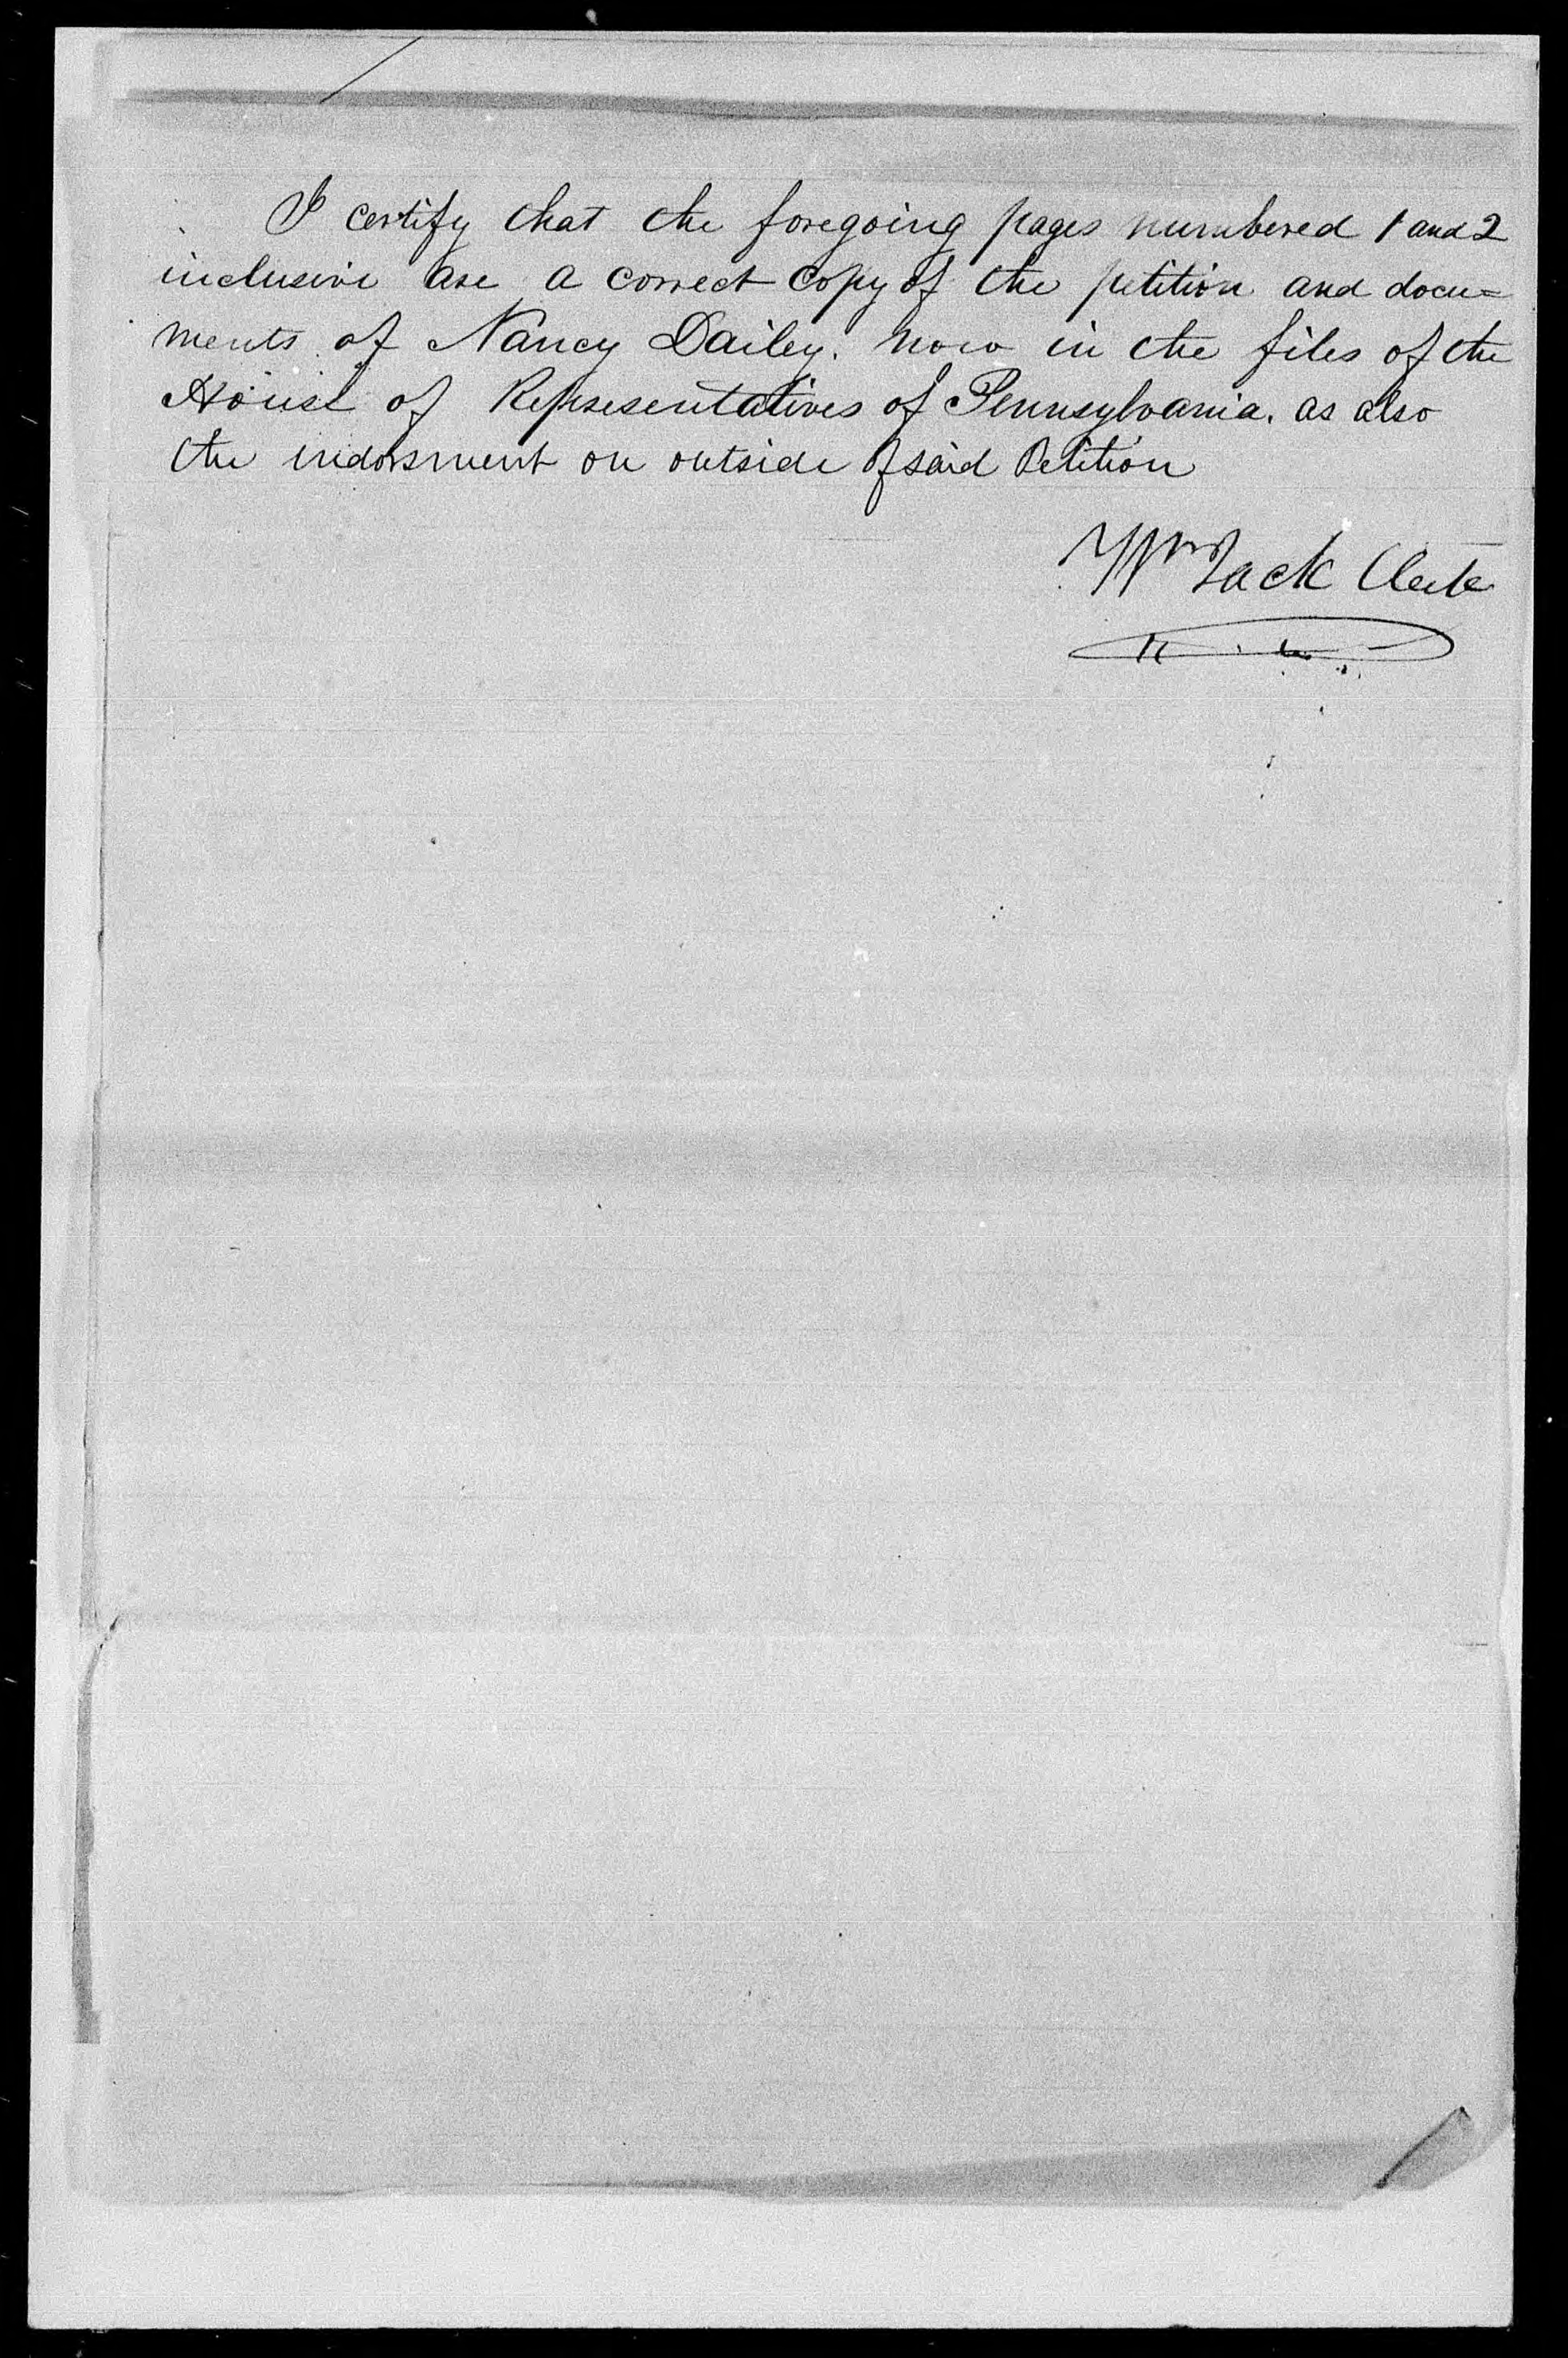I certify that the foregoing pages numbered 1 and 2 inclusive are a correct copy of the petition and documents of Nancy Dailey, now in the files of the House of Representatives of Pennsylvania, as also the endorsment [endorsement] on outside of said Petition
Wm Jack Clerk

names: Wm Jack, Nancy Dailey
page: 55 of 63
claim: widow's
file: W. 3228, John Daly, Penn.